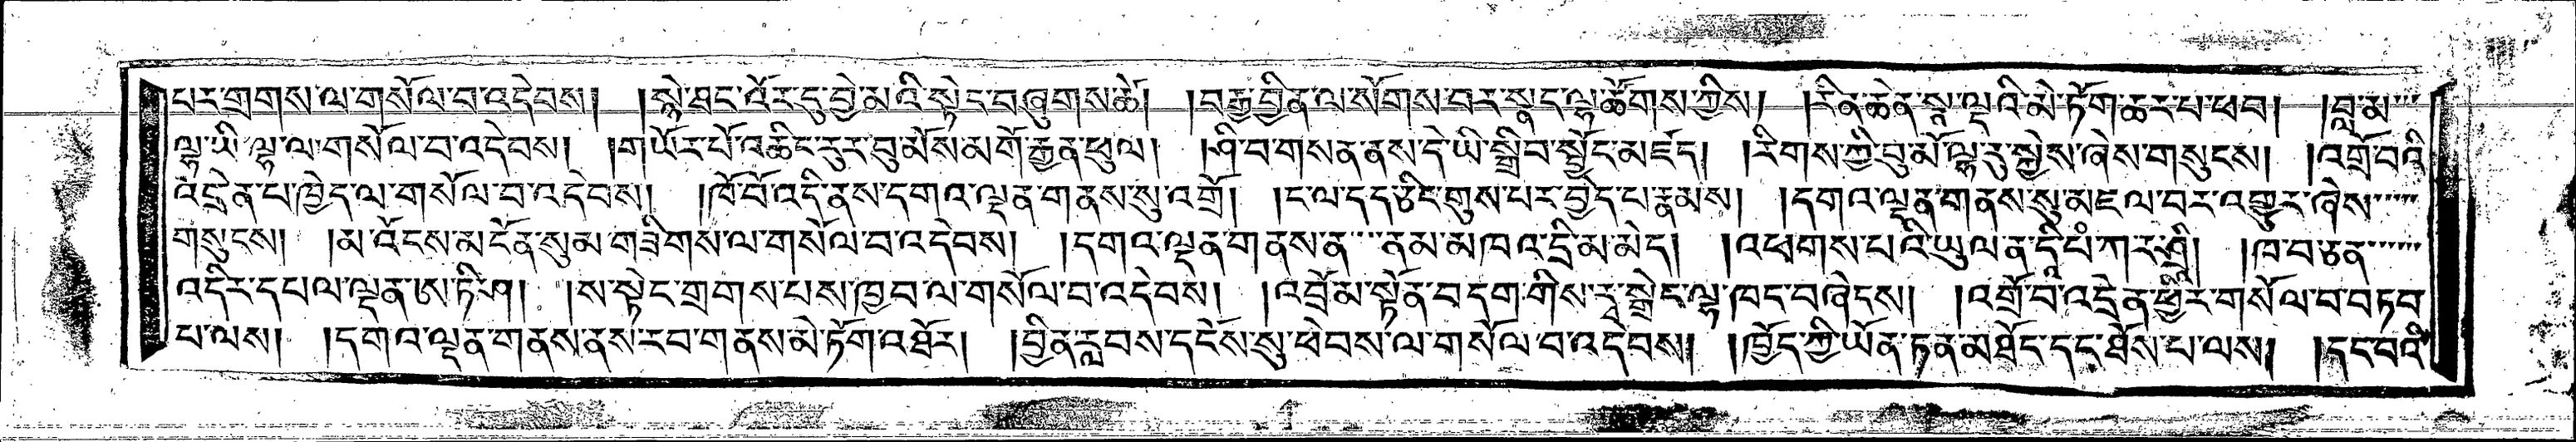པར་གྲགས་ལ་གསོལ་བ་འདེབས། །སྙེ་ཐང་འོར་དུ་བྱེ་མའི་སྟེང་བཞུགས་ཚེ། །བརྒྱ་བྱིན་ལ་སོགས་བར་སྣང་ལྷ་ཚོགས་ཀྱིས། །རིན་ཆེན་སྣ་ལྔའི་མེ་ཏོག་ཆར་པ་ཕབ། །བླ་མ་
ལྷ་ཡི་ལྷ་ལ་གསོལ་བ་འདེབས། །གཡོར་པོ་འཆིང་རུར་བུ་མོས་མགོ་རྒྱན་ཕུལ། །ཤི་བ་གསན་ནས་དེ་ཡི་སྒྲིབ་སྦྱོང་མཛད། །རིགས་ཀྱི་བུ་མོ་ལྷ་རུ་སྐྱེས་ཞེས་གསུངས། །འགྲོ་བའི་
འདྲེན་པ་ཁྱེད་ལ་གསོལ་བ་འདེབས། །ཁོ་བོ་འདི་ནས་དགའ་ལྡན་གནས་སུ་འགྲོ། །ང་ལ་དད་ཅིང་གུས་པར་བྱེད་པ་རྣམས། །དགའ་ལྡན་གནས་སུ་མཇལ་བར་འགྱུར་ཞེས་
གསུངས། །མ་འོངས་མངོན་སུམ་གཟིགས་ལ་གསོལ་བ་འདེབས། །དགའ་ལྡན་གནས་ན་ནམ་མཁའ་དྲི་མ་མེད། །འཕགས་པའི་ཡུལ་ན་དཱི་པཾ་ཀ་ར་ཤྲཱི། །ཁ་བ་ཅན་
འདིར་དཔལ་ལྡན་ཨ་ཏི་ཤ། །ས་སྟེང་གྲགས་པས་ཁྱབ་ལ་གསོལ་བ་འདེབས། །འབྲོ་མ་སྟོན་བདག་གིས་རྭ་སྒྲེང་ལྷ་ཁང་བཞེངས། །འགྲོ་བ་འདྲེན་ཕྱིར་གསོལ་བ་བཏབ་
པ་ལས། །དགའ་ལྡན་གནས་ནས་རབ་གནས་མེ་ཏོག་འཐོར། །བྱིན་རླབས་དངོས་སུ་ཕེབས་ལ་གསོལ་བ་འདེབས། །ཁྱོད་ཀྱི་ཡོན་ཏན་མཐོང་དང་ཐོས་པ་ལས། །དང་བའི་